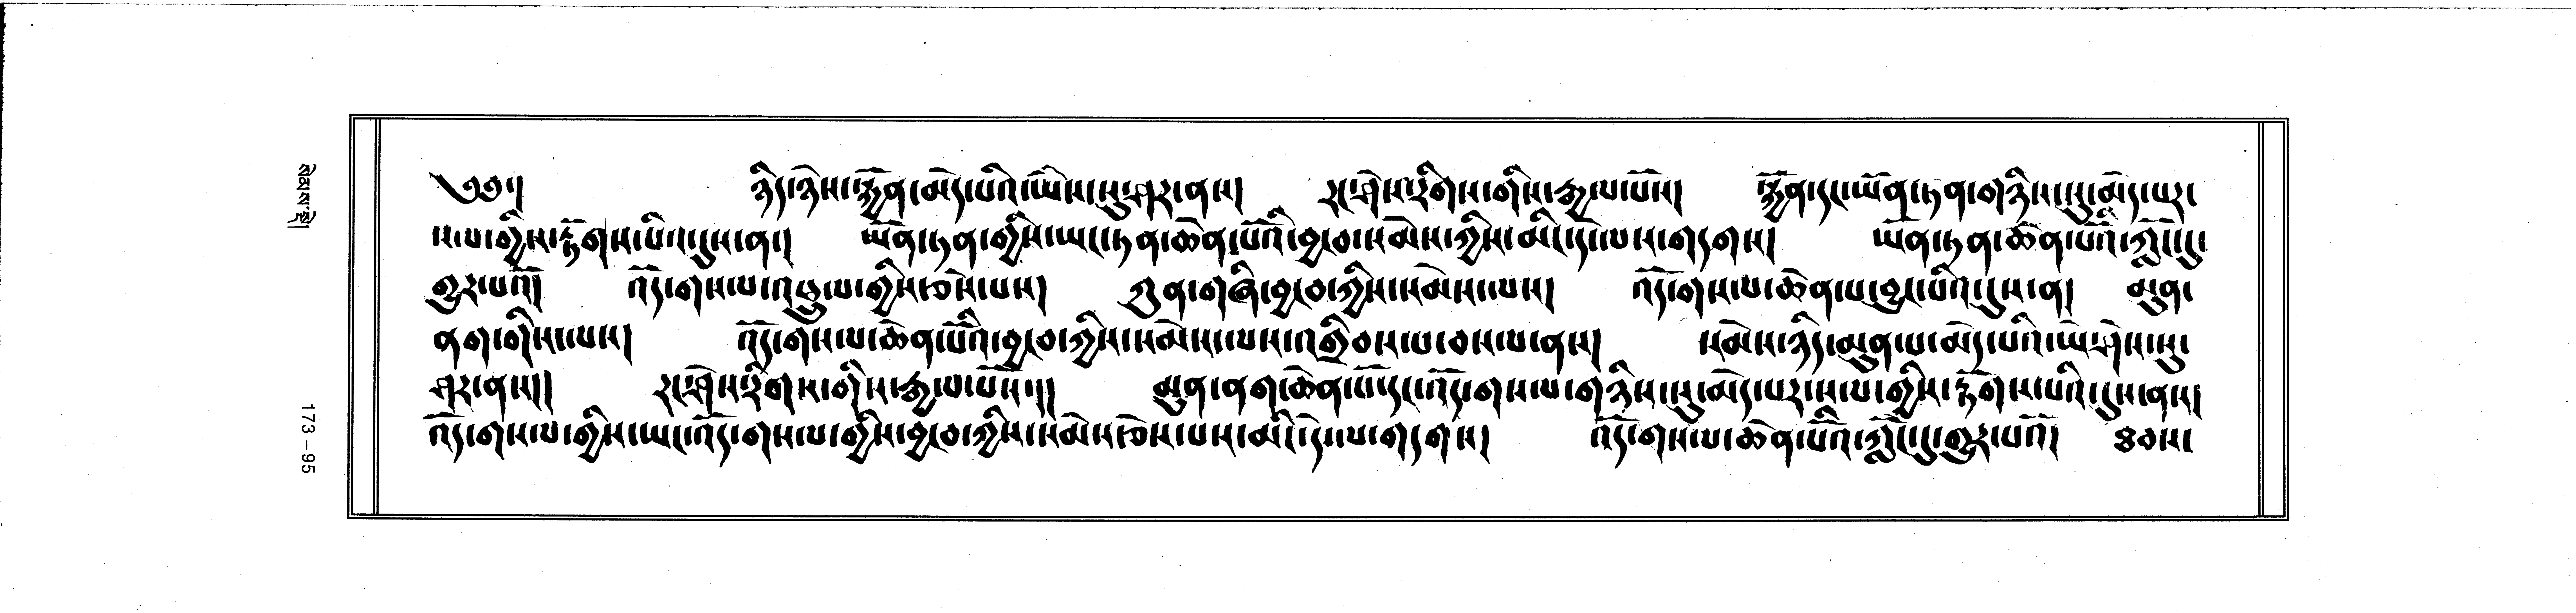ཉིད་ཉེས་སྐྱོན་མེད་པའི་ཡེ་ཤེས་སུ་ཤར་ནས། རང་ཤེས་རིག་གི་རྒྱལ་པོས། སྐྱོན་དང་ཡོན་ཏན་གཉིས་སུ་མེད་པར་
སལ་གྱིས་རྟོགས་པའི་དུས་ན། ཡོན་ཏན་གྱིས་ཡང་ཡོན་ཏན་ཆེན་པོའི་བྱང་ཆུབ་སེམས་ཀྱིས་མིང་དེ་ལ་གདགས། ཡོན་ཏན་ཆེན་པོིའི་ཀློང་དུ་
གྱུར་པའོ། །འོད་གསལ་འཕྲུལ་གྱིས་ཅེས་པ། ཀུན་གཞི་བྱང་ཆུབ་ཀྱི་སེམས་ལས། འོད་གསལ་ཆེན་པོ་བྱུང་བའི་དུས་ན། མུན་
ནག་གིས་ལས། འོད་གསལ་ཆེན་པོའི་བྱང་ཆུབ་ཀྱི་སེམས་ལས་འགྲིབ་པ་བསལ་ནས། སེམས་ཉིད་མུན་པ་མེད་པའི་ཡེ་ཤེས་སུ་
ཤར་ནས། རང་ཤེས་རིག་རྒྱལ་པོས། མུན་ནག་ཆེན་པོ་དང་འོད་གསལ་གཉིས་སུ་མེད་པར་སལ་གྱིས་རྟོགས་པའི་དུས་ནས། 
འོད་གསལ་གྱིས་ཡང་འོད་གསལ་གྱིས་བྱང་ཆུབ་ཀྱི་སེམས་ཅེས་པས་མིང་དེ་ཡང་གདགས། འོད་གསལ་ཆེན་པོའི་ཀློང་དུ་གྱུར་པའོ། །ཐབས་